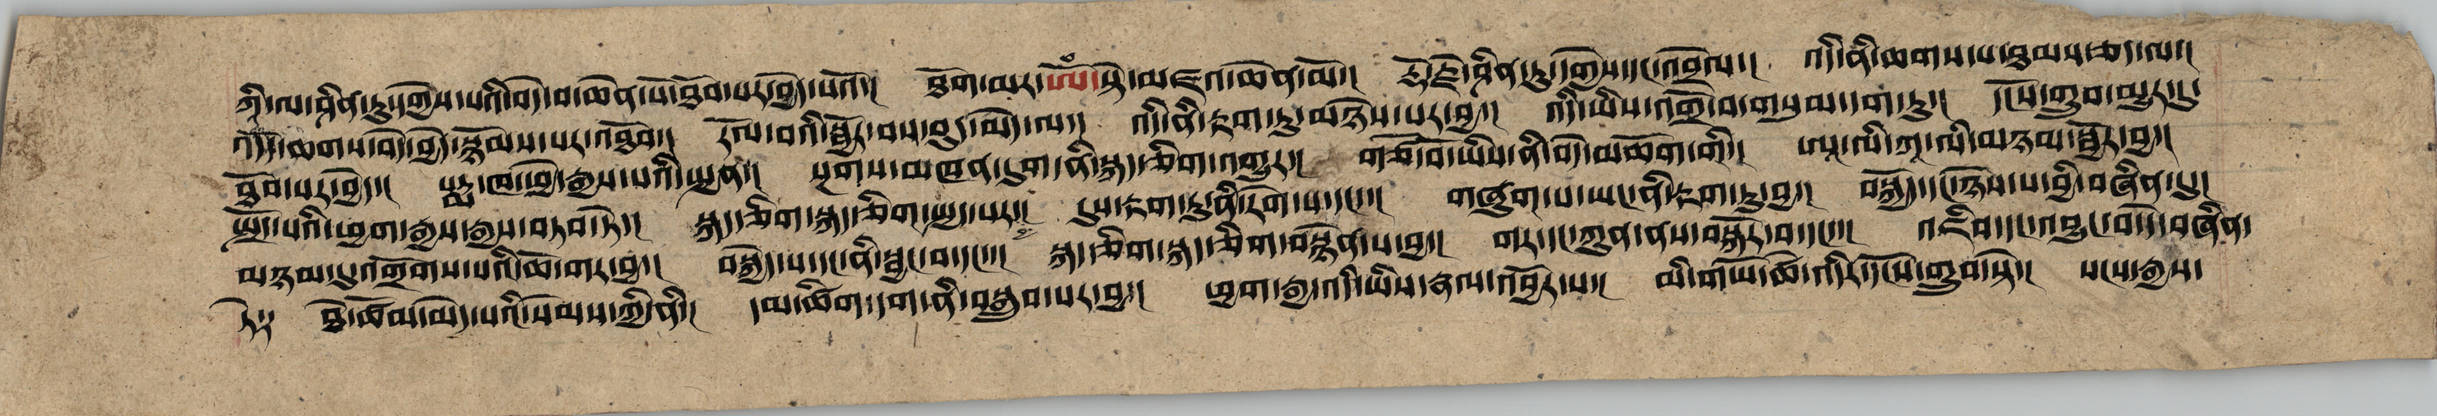ཀཱི་ལ་ཤིན་ཏུ་དགྱེས་པའི་བདེ་བ་ཆེན་པོ་ཐོབ་པར་བྱེད་པའོ་། ཐོག་མར་ཨོཾ་སྟེ་མཛའ་ཆེན་མོ་། རྡོ་རྗེ་ཤིན་ཏུ་དགྱེས་དང་འབྲེལ་། འདི་ནི་ཆགས་པ་ཐམས་ཅད་ལ་།
འདོད་ཆགས་བདེ་བྱེད་སྙོམས་པར་འཐོབ་། རོལ་བའི་སྦྱོར་བས་བུད་མེད་ལ་། འདི་ནི་རྟག་ཏུ་མཉེས་པར་བྱ་། འདི་ཡིས་འགྲོ་བ་གསུམ་དག་ཏུ་། དངོས་གྲུབ་མྱུར་དུ་
ཐོབ་པར་བྱེད་། པདྨ་ཁ་ཕྱེ་རྒྱས་པའི་སྤྱན་། སྔགས་མཁན་དུག་ནི་སྐད་ཅིག་འགྱུར་། གཙོ་བོ་ཡིས་ནི་བདེ་མཆོག་གི་། ཨཱ་ལི་ཀཱ་ལི་མཉམ་སྦྱོར་བྱ་།
སྤྲོད་པའི་ཕྱག་རྒྱས་རྒྱས་བཏབ་ཏེ་། སྐད་ཅིག་སྐད་ཅིག་སྤྱད་པར་། དུས་རྟག་ཏུ་ནི་རེག་པ་དང་་། གཞུག་པ་ཡང་ནི་རྟག་ཏུ་བྱ་། བསྐྱོད་དང་ཉེས་པ་བྱི་བཞིན་དུ་།
མཉམ་དུ་འགྲོགས་པའི་ཆོ་གར་བྱ་། བསྐྱེད་པ་དང་ནི་སྦྱང་བ་དང་། སྐད་ཅིག་སྐད་ཅིག་བསྙེན་པ་བྱ་། གར་དང་ཀུན་ནས་བསྐོར་བ་དང་་། འཇིས་དང་འབྱུང་བ་དེ་བཞིན་
ཏེ༑ ཐེ་ཚོམ་མེད་པའི་སེམས་ཀྱི་ནི་། དམ་ཚིག་དག་ནི་བསྒྲུབ་པར་བྱ་། ཕྱག་རྒྱ་འདི་ཡིས་རྣལ་འབྱོར་པ་། མི་གཡོ་ཚེ་འདིར་དངོས་གྲུབ་སྟེ་། སངས་རྒྱས་